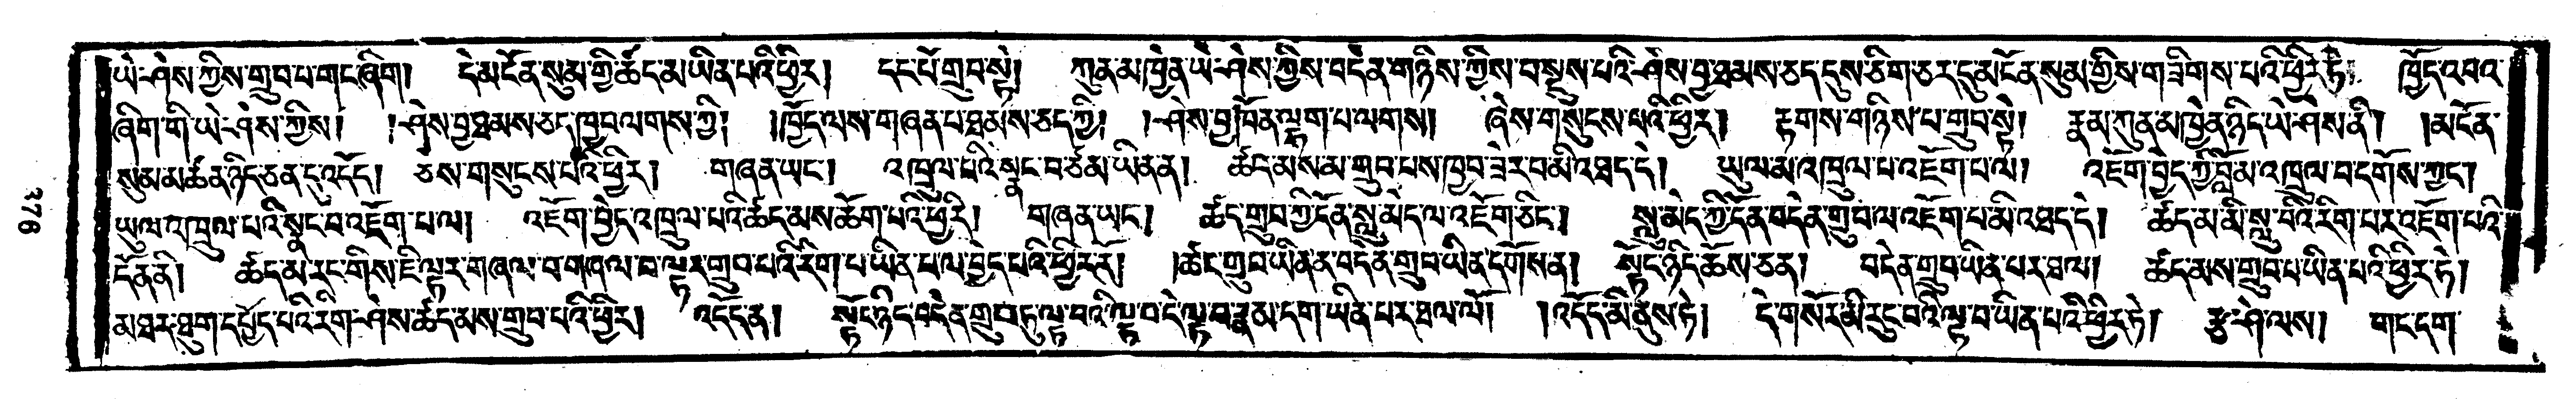ཡེ་ཤེས་ཀྱིས་གྲུབ་པ་གང་ཞིག། དེ་མངོན་སུམ་གྱི་ཚད་མ་ཡིན་པའི་ཕྱིར། དང་པོ་གྲུབ་སྟེ། ཀུན་མཁྱེན་ཡེ་ཤེས་ཀྱིས་བདེན་གཉིས་ཀྱིས་བསྡུས་པའི་ཤེས་བྱ་ཐམས་ཅད་དུས་ཅིག་ཅར་དུ་མངོན་སུམ་གྱིས་གཟིགས་པའི་ཕྱིར་ཏེ། ཁྱོད་འབའ་
ཞིག་གི་ཡེ་ཤེས་ཀྱིས། །ཤེས་བྱ་ཐམས་ཅད་ཁྱབ་ལགས་ཀྱི། །ཁྱོད་ལས་གཞན་པ་ཐམས་ཅད་ཀྱི། །ཤེས་བྱ་ཁོ་ན་ལྷག་པ་ལགས། ཞེས་གསུངས་པའི་ཕྱིར། རྟགས་གཉིས་པ་གྲུབ་སྟེ། རྣམ་ཀུན་མཁྱེན་ཉིད་ཡེ་ཤེས་ནི། །མངོན་
སུམ་མཚན་ཉིད་ཅན་དུ་འདོད། ཅེས་གསུངས་པའི་ཕྱིར། གཞན་ཡང་། འཁྲུལ་པའི་སྣང་བ་ཙམ་ཡིན་ན། ཚད་མས་མ་གྲུབ་པས་ཁྱབ་ཟེར་བ་མི་འཐད་དེ། ཡུལ་མ་འཁྲུལ་པ་འཇོག་པ་ལ། འཇོག་བྱེད་ཀྱི་བློ་མ་འཁྲུལ་བ་དགོས་ཀྱང་།
ཡུལ་འཁྲུལ་པའི་སྣང་བ་འཇོག་པ་ལ། འཇོག་བྱེད་འཁྲུལ་པའི་ཚད་མས་ཆོག་པའི་ཕྱིར། གཞན་ཡང་། ཚད་གྲུབ་ཀྱི་དོན་སླུ་མེད་ལ་འཇོག་ཅིང་། སླུ་མེད་ཀྱི་དོན་བདེན་གྲུབ་ལ་འཇོག་པ་མི་འཐད་དེ། ཚད་མ་མི་སླུ་བའི་རིག་པར་འཇོག་པའི་
དོན་ནི། ཚད་མ་རང་གིས་ཇི་ལྟར་གཞལ་བ་གཞལ་བ་ལྟར་གྲུབ་པའི་རིག་པ་ཡིན་པ་ལ་བྱེད་པའི་ཕྱིར་རོ། །ཚང་གྲུབ་ཡིན་ན་བདེན་གྲུབ་ཡིན་དགོས་ན། སྟོང་ཉིད་ཆོས་ཅན། བདེན་གྲུབ་ཡིན་པར་ཐལ། ཚད་མས་གྲུབ་པ་ཡིན་པའི་ཕྱིར་ཏེ།
མཐར་ཐུག་དཔྱོད་པའི་རིག་ཤེས་ཚད་མས་གྲུབ་པའི་ཕྱིར། འདོད་ན། སྟོང་ཉིད་བདེན་གྲུབ་ཏུ་ལྟ་བའི་ལྟ་བ་དེ་ལྟ་བ་རྣམ་དག་ཡིན་པར་ཐལ་ལོ། །འདོད་མི་ནུས་ཏེ། དེ་གསོར་མི་རུང་བའི་ལྟ་བ་ཡིན་པའི་ཕྱིར་ཏེ། རྩ་ཤེ་ལས། གང་དག་